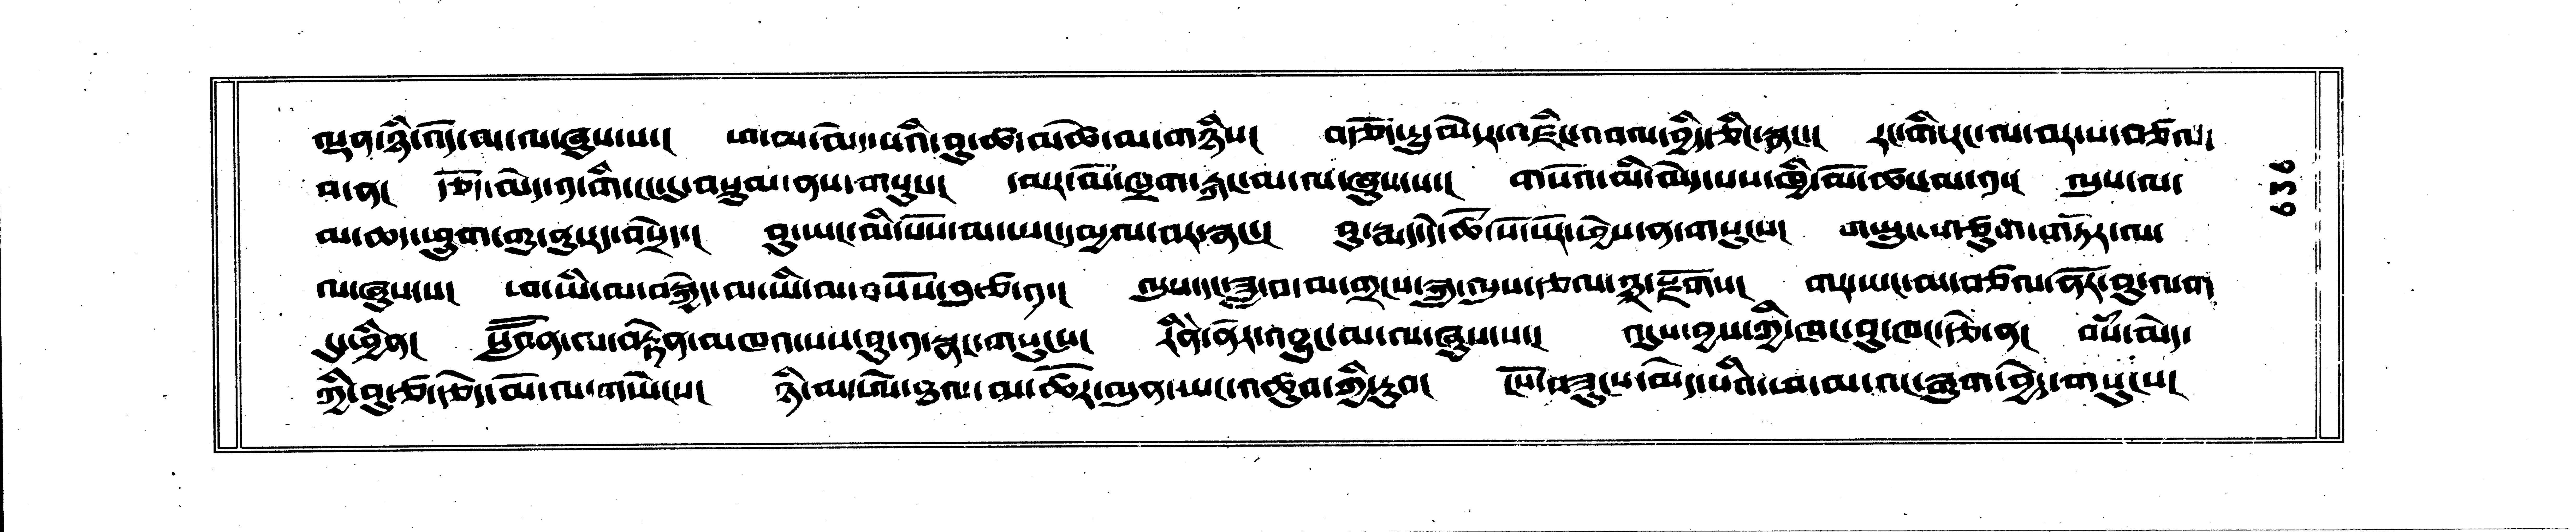ལྡན་ཉི་མ་འོད་ལ་ཞུས་པ། ཕ་མ་མེད་པའི་བུ་ཙ་འཚེ་༼མཚེ༽མ་གཉིས། རྩོད་རྒྱུ་མེད་པར་འཛིང་པ་བྱེད་སིན་སྣང་། རང་གིས་རང་ལ་བར་པ་བརྩལ་
བེས་ནས། རྩོད་མེད་ཀྱིས་ངང་ལ་བསྡད་ན་ཨང་གསུངས། དམར་མོ་ཁྲག་སྐམ་‘‘རྐང”མ་ཞུས་པ། གསོ་མི་མེད་པའི་ཁྱི་མོ་ཚང་མ་གཅིག ལུས་ལ་
མ་ཆད་ཕྲུ་གུའི་ནུ་འདྲེད་སྲེ། བུ་ཡང་མི་གསོ་མ་ཡང་དམྱལ་བར་སྦྱང་། བུ་སྨད་ཚོ་སོ་སོར་ཕྱེས་ནས་གསུངས། གཡུང་དྲུང་གཙུག་གཏོར་མ་
ལ་ཞུས་པ། ཕའི་མ་སྐྱེས་མའི་མ་གསོས་བུ་ཙ་གཅིག ལོ་དང་ཟླ་བ་མ་བསྒྲང་སྐུ་ལུས་རྩལ་དུ་རྫོགས། གར་ཡང་མ་བརྩལ་ནོར་བུ་ལག་ཏུ་
ཕྱིན། སློབ་དཔོན་མ་བསྟན་མཁས་པའི་བུ་གཅིག་སྣང་གསུངས། རིན་ཆེན་ནོར་བུ་འབྱུང་མ་ལ་ཞུས་པས། འདུས་གནས་ཀྱི་ཁང་བུ་ཁང་རྩེ་ན། བསམ་མེད་
ཀྱི་བུ་ཙ་རྩེད་མོ་ལ་ཡེངས། ཉི་མ་ཨེ་ཐལ་མ་ཚོར་མུ་‘‘མུན”ཡང་ཚུབ་ཀྱི་རྒྱུག ངོས་བཟུང་མེད་པའི་ཕ་མ་འོང་སྒུག་བྱེད་གསུངས། མཁའ་འགྲོ་བརྒྱ་བཅུའི་ཞུ་ལེན་འདི། སེམས་བསྐྱེད་རྣམ་དག་འགྲོ་བའི་དོན་དུ་བསྔོ་།